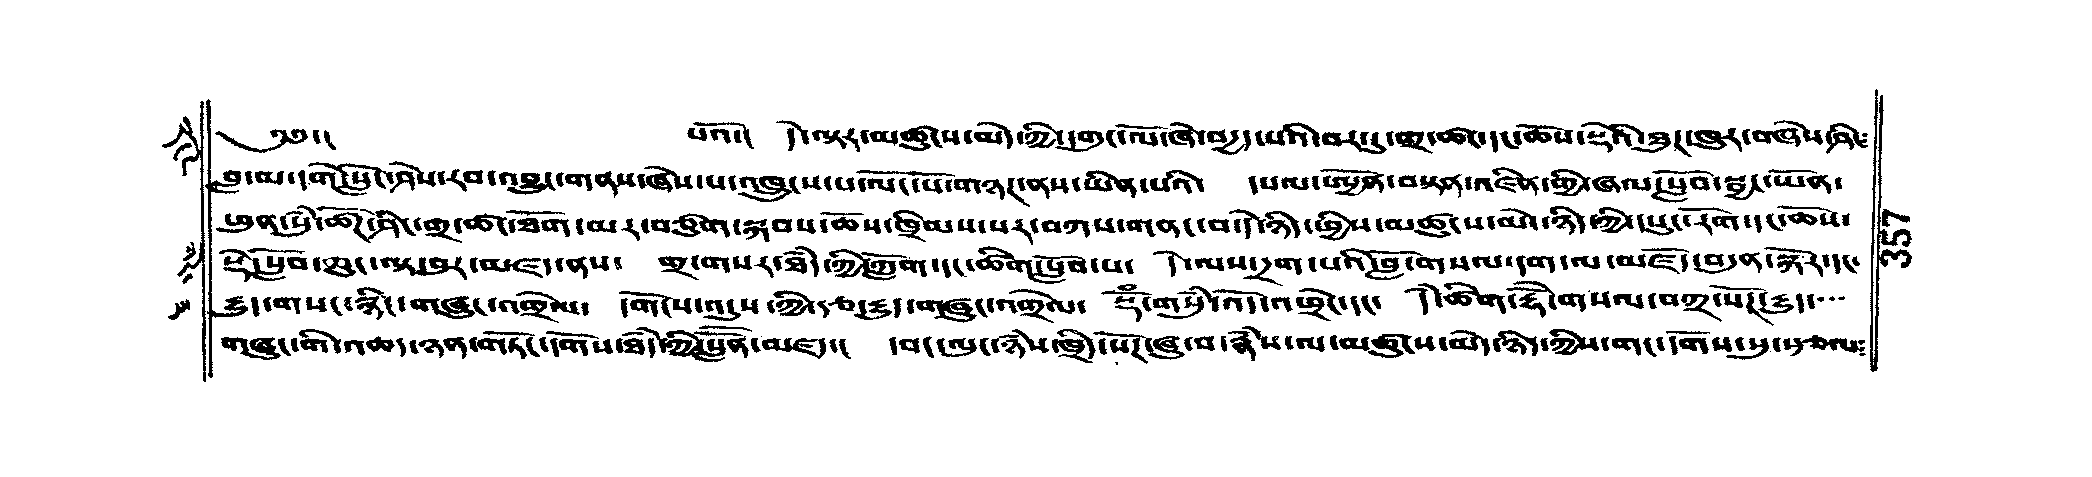པའོ། དེ་ལྟར་མཚུངས་མེད་ཀྱི་དགུང་ལོ་ཞེ་བརྒྱད་པའི་བར་དུ་གྲྭ་ཚང་དང་ཆོས་སྡེའི་ཐུགས་ཁུར་བཞེས་ཤིང་
བླ་མ་གེ་སློང་ཤེས་རབ་འབྱུང་གནས་ཞེས་པ་འཁྲུངས་ས་ལོང་པོ་གཉགས་ནས་ཡིན་པའི། དཔལ་ཨོ་རྒྱན་བསྟན་འཛིན་གྱི་ཞལ་སློབ་སྦྱངས་ཡོན་
ཕུན་སུམ་ཚོགས་ཤིང་གྲྭ་ཚང་ཐོག་མར་གཙུགས་སྐབས་ཆོས་ཁྲིམས་པར་བཀས་གནང་བ་དེ་ཉིད་ཕྱིས་མཚུངས་མེད་ཉིད་ཀྱི་དཔུང་རོགས་དང་ཆོས་
སྡེ་སློབ་ཆུང་ལྟ་བུར་མཛད་ནས། གྲྭ་གསར་ཐམས་ཅད་ཀྱི་ཀློག་དང་ཚིག་སློབ་པ། དེ་ལས་དྲག་པའི་བློ་གསར་དག་ལ་མཛོད་བདུན་སྐོར་དང་
རྒྱུད་གསང་སྙིང་གཞུང་འགྲེལ། དགོངས་འདུས་ཀྱི་རྩ་རྒྱུད་གཞུང་འགྲེལ། སྡོམ་གསུམ་འོད་འཕྲེང་དང་། དམ་ཚིག་རྡོ་རྗེ་གསལ་བཀྲ་སོགས་རྒྱུད་
གཞུང་གི་འཆད་ཉན་གཏོང་དགོས་ཐམས་ཅད་ཀྱི་སློབ་དཔོན་མཛད། དབང་ལུང་ཉམས་ཁྲིད་སོགས་ཞུ་བ་རྣམས་ལ་མཚུངས་མེད་ཉིད་ཀྱིས་གང་དགོས་སུ་སྩལ་